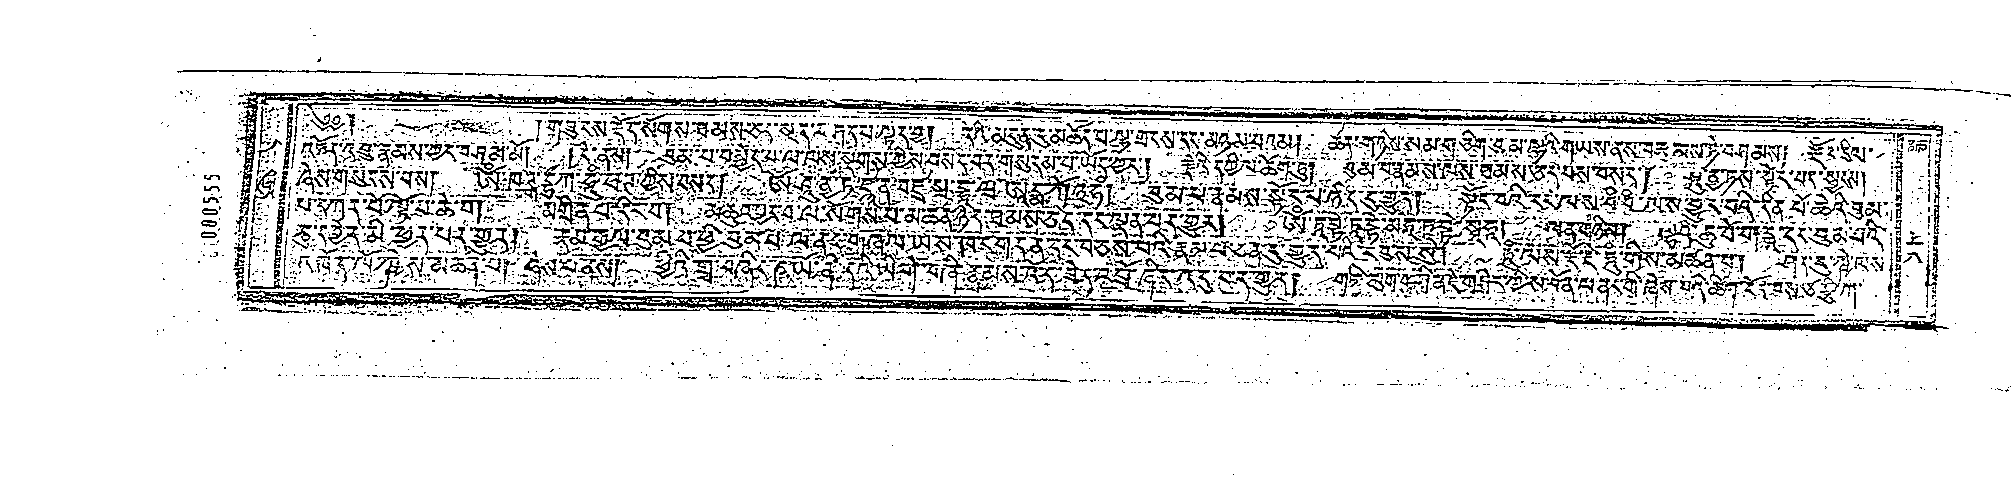༄༅། །གཟུངས་རྡོར་སོགས་ཐམས་ཅད་སྔར་བཤད་པ་ལྟར་བྱ། དེའི་མདུན་དུ་མཆོད་པ་ལྷ་གྲངས་དང་མཉམ་པའམ། ཚར་གཉིས་སམ་གཅིག་བུམ་ལྷའི་གཡས་ནས་བརྩམས་ཏེ་བཤམས། རྡོར་དྲིལ་
འཐོར་འབྲུ་རྣམས་ཀྱང་བཤམ་མོ། །དེ་ནས། བུམ་པ་བསྐྱེད་པ་ལ་ལས་སྔགས་ཀྱིས་བསང་བར་གསུངས་པ་ཡོད་ཀྱང་། རྗེའི་དཀྱིལ་ཆོག་ཏུ། བུམ་པ་རྣམས་ལས་ཐམས་ཅད་པས་བསང་། ཤཱུ་ནྱ་ཏས་སྟོང་པར་སྦྱངས།
ཞེས་གསུངས་པས། ཨོཾ་ཁཊྒ་དྷྲྀ་ཀ་ཧཱུཾ་ཕཊ་ཀྱིས་བསང་། ཨོཾ་ཤཱུ་ནྱ་ཏེ་ཛྙཱ་ན་བཛྲ་སྭ་བྷཱ་ཝ་ཨཱདམ་ཀོཉྷཾ། བུམ་པ་རྣམས་སྟོང་པ་ཉིད་དུ་གྱུར། སྟོང་བའི་ངང་ལས་བཾ་བཾ་ལས་བྱུང་བའི་རིན་པོ་ཆེའི་བུམ་
པ་དཀར་པོ་ལྟོ་པ་ཆེ་བ། མགྲིན་པ་རིང་བ། མཆུ་འབྱར་བ་ལ་སོགས་པ་མཚན་ཉིད་ཐམས་ཅད་དང་ལྡན་པར་གྱུར། ཨོཾ་ཏཱ་བྷེ་ཏཱ་བྷེ་མ་ཧཱ་ཏཱ་བྷེ་སྭཱ་ཧཱ། ལན་གཉིས། ལྷའི་ཆུ་བོ་གངྒཱ་དང་བུམ་པའི་
ཆུ་དབྱེར་མི་ཕྱར་པར་གྱུར། རྣམ་རྒྱལ་བུམ་པ་ཕྱི་བུམ་པ་ལ་ནང་གཞལ་ཡས་ཁང་གདན་དང་བཅས་པའི་རྣམ་པ་ཅན་དུ་གྱུར་པའི་དབུས་སུ། ཧཱུཾ་ལས་རྡོ་རྗེ་ཧཱུཾ་གིས་མཚན་པ། ཤད་དུ་ཀྵེ་ལས་
འཁོར་ལོ་ཀྵེ་ས་མཚན་པ། ཞེས་པ་ནས། ཕྱིའི་གྲྭ་བཞིར་ཎ་ཡོ་ནི་དའི་ཡི་གེ་བཞི་རྣམས་འོད་ཟེར་འཕྲོ་ཞིང་འདུ་བར་གྱུར། གཏི་མུག་གཤིན་རྗེ་གཤེད་ཀྱིས་བོན་ལ་ནང་གི་ཞེས་པའི་ཚིག་དོར་བས་ཙ་རྩི་ཀ་